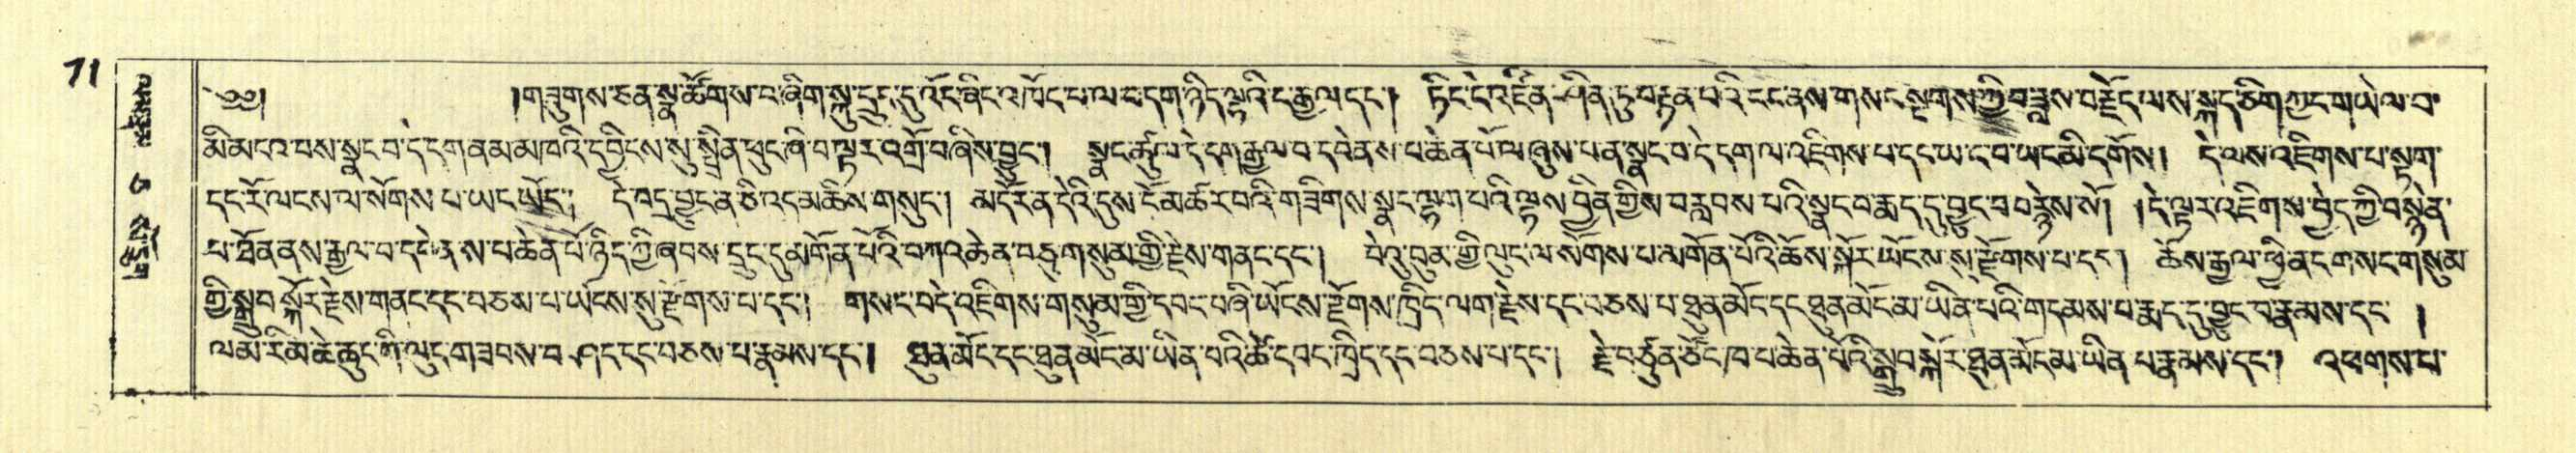༄༅། །གཟུགས་ཅན་སྣ་ཚོགས་བ་ཞིག་སྐུ་དྲུང་དུ་འོད་ཞིང་འཁོང་པ་ལ་བདག་ཉིད་ལྷའི་ང་རྒྱལ་དང་། ཏིང་ངེ་འཛིན་ཤིན་ཏུ་བརྟན་པའི་ངང་ནས་གསང་སྔགས་ཀྱི་བཟླས་བརྗོད་ལས་སྐད་ཅིག་ཀྱང་གཡེལ་བ་
མི་མངའ་པས་སྣང་བ་དེ་དག་ནམ་མཁའི་དབྱིངས་སུ་སྤྲིན་ཕུང་ཞི་བལྟར་འགྲོ་བཞིས་བྱུང་། སྣང་ཚུལ་དེ་དག་རྒྱལ་བ་དབེན་ས་ཆེན་པོ་ལ་ཞུས་པ་ན་སྣང་བ་དེ་དག་ལ་འཇིགས་པ་དང་ཡང་བ་ཡང་མི་དགོས། དེ་ལས་འཇིགས་པ་སྟག་
དང་རོ་ལངས་ལ་སོགས་པ་ཡང་ཡོད། དེ་འདྲ་བྱུང་ན་ཅི་འདྲ་མཆིས་གསུང་། མདོར་ན་དེའི་དུས་ངོ་མཚར་བའི་གཟིགས་སྣང་ལྷག་པའི་ལྟས་བྱིན་གྱིས་བརླབས་པའི་སྣང་བ་རྨད་དུ་བྱུང་བ་བརྙེས་སོ། །དེ་ལྟར་འཇིགས་བྱེད་ཀྱི་བསྙེན་
པ་ཐོན་ནས་རྒྱལ་བ་དབེན་ས་པ་ཆེན་པོ་ཉིད་ཀྱི་ཞབས་དྲུང་དུ་མགོན་པོའི་བཀའ་ཆེན་བཅུ་གསུམ་གྱི་རྗེས་གནང་དང་། བེའུ་བུམ་གྱི་ལུང་ལ་སོགས་པ་མགོན་པོའི་ཆོས་སྐོར་ཡོངས་སུ་རྫོགས་པ་དང་། ཆོས་རྒྱལ་ཕྱི་ནང་གསང་གསུམ་
གྱི་སྒྲུབ་སྐོར་རྗེས་གནང་དང་བཅས་པ་ཡོངས་སུ་རྫོགས་པ་དང་། གསང་བདེ་འཇིགས་གསུམ་གྱི་དབང་བཞི་ཡོངས་རྫོགས་ཁྲིད་ལག་རྗེས་དང་བཅས་པ་ཐུན་མོང་དང་ཐུན་མོང་མ་ཡིན་པའི་གདམས་པ་རྨད་དུ་བྱུང་བ་རྣམས་དང་།
ལམ་རིམ་ཆེ་ཆུང་གི་ལུང་གཟབས་བཤད་དང་བཅས་པ་རྣམས་དང་། ཐུན་མོང་དང་ཐུན་མོང་མ་ཡིན་པའི་ཚེ་དབང་ཁྲིད་དང་བཅས་པ་དང་། རྗེ་བཙུན་ཙོང་ཁ་པ་ཆེན་པོའི་སྒྲུབ་སྐོར་ཐུན་མོང་མ་ཡིན་པ་རྣམས་དང་། འཕགས་པ་